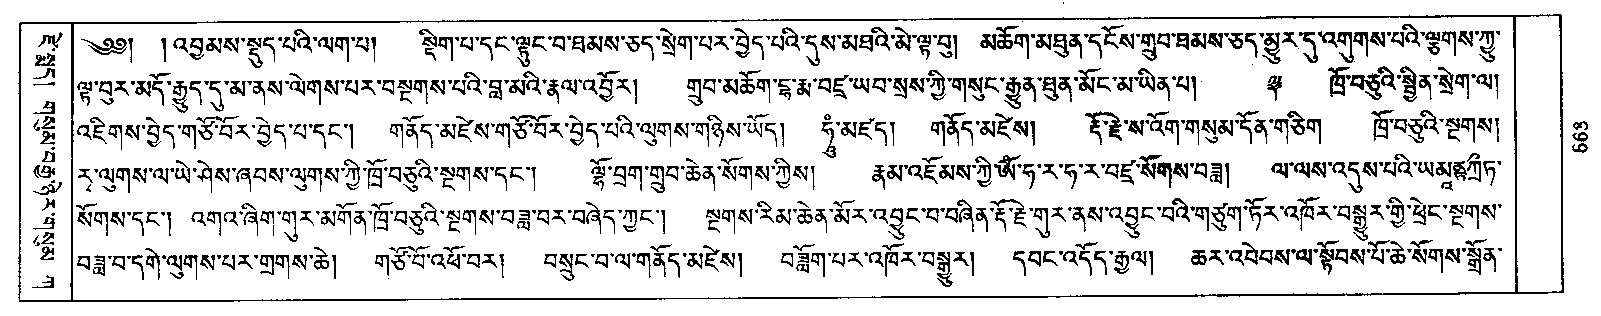༄༅། །འབྱམས་སྡུད་པའི་ལག་པ། སྡིག་པ་དང་ལྟུང་བ་ཐམས་ཅད་སྲེག་པར་བྱེད་པའི་དུས་མཐའི་མེ་ལྟ་བུ། མཆོག་མཐུན་དངོས་གྲུབ་ཐམས་ཅད་མྱུར་དུ་འགུགས་པའི་ལྕགས་ཀྱུ་
ལྟ་བུར་མདོ་རྒྱུད་དུ་མ་ནས་ལེགས་པར་བསྔགས་པའི་བླ་མའི་རྣལ་འབྱོར། གྲུབ་མཆོག་དྷརྨ་བཛྲ་ཡབ་སྲས་ཀྱི་གསུང་རྒྱུན་ཐུན་མོང་མ་ཡིན་པ། ༈ ཁྲོ་བཅུའི་སྦྱིན་སྲེག་ལ།
འཇིགས་བྱེད་གཙོ་བོར་བྱེད་པ་དང་། གནོད་མཛེས་གཙོ་བོར་བྱེད་པའི་ལུགས་གཉིས་ཡོད། ཧཱུཾ་མཛད། གནོད་མཛེས། རྡོ་རྗེ་ས་འོག་གསུམ་དོན་གཅིག་ཁྲོ་བཅུའི་སྔགས།
རྭ་ལུགས་ལ་ཡེ་ཤེས་ཞབས་ལུགས་ཀྱི་ཁྲོ་བཅུའི་སྔགས་དང་། ལྷོ་བྲག་གྲུབ་ཆེན་སོགས་ཀྱིས། རྣམ་འཇོམས་ཀྱི་ཨོཾ་ཧ་ར་ཧ་ར་བཛྲ་སོགས་བཟླ། ལ་ལས་འདུས་པའི་ཡམཱནྟ་ཀྲྀཏ་
སོགས་དང་། འགའ་ཞིག་གུར་མགོན་ཁྲོ་བཅུའི་སྔགས་བཟླ་བར་བཞེད་ཀྱང་། སྔགས་རིམ་ཆེན་མོར་འབྱུང་བ་བཞིན་རྡོ་རྗེ་གུར་ནས་འབྱུང་བའི་གཙུག་ཏོར་འཁོར་བསྒྱུར་གྱི་ཕྲེང་སྔགས་
བཟླ་བ་དགེ་ལུགས་པར་གྲགས་ཆེ། གཙོ་བོ་འཕོ་བར། བསྲུང་བ་ལ་གནོད་མཛེས། བཟློག་པར་འཁོར་བསྒྱུར། དབང་འདོད་རྒྱལ། ཆར་འབེབས་ལ་སྟོབས་པོ་ཆེ་སོགས་སྒྲོན་